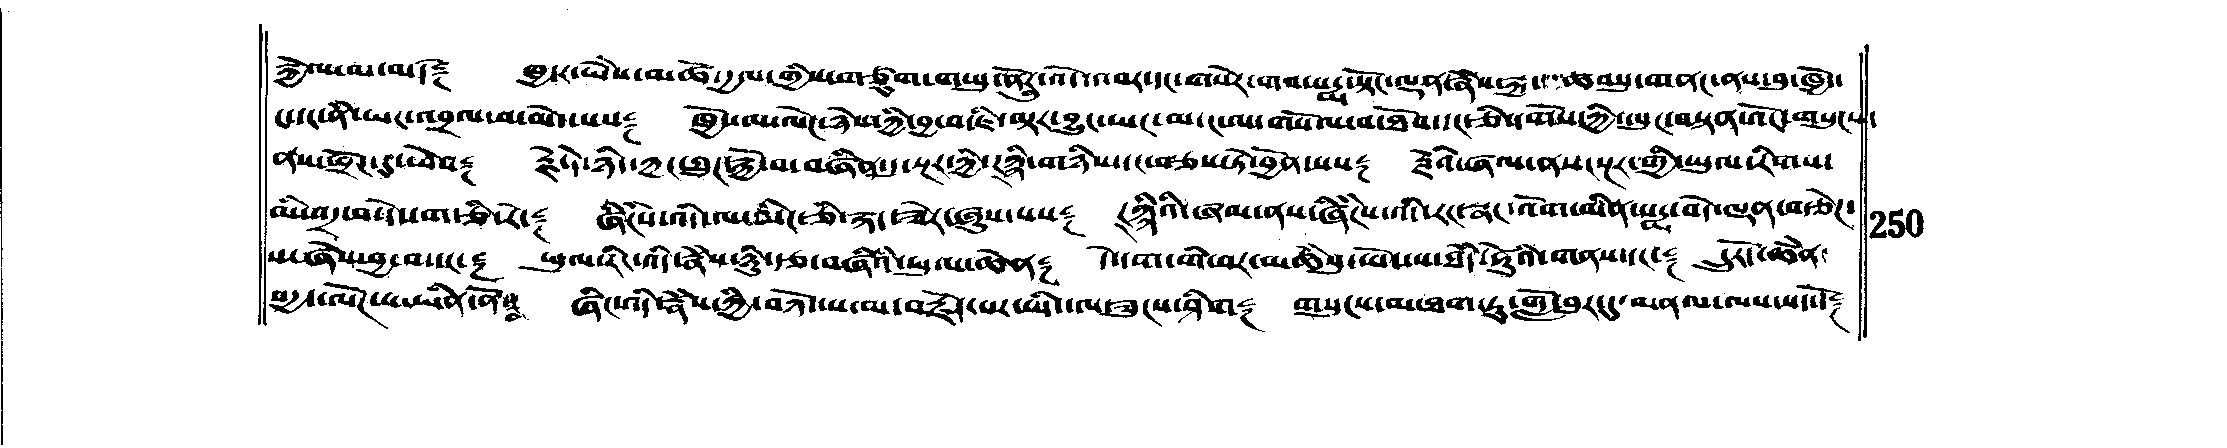སྐྱེལ་མ་མཛད། ཁྱད་པར་ཡེ་ཤེས་མཚོ་རྒྱལ་གྱིས་གཙུག་གཡུ་ནོར་བུ་འོད་འབར་དང་གསེར་གབ་པདྨ་སྟོང་ལྡན་རྣམས་སྐུ་ཚབ་སུ་གནང་ནས་བུ་ཁྱོད་
་དང་ནམ་ཡང་འབྲལ་བ་མེད་པས། ཁྱོད་ལ་ལེགས་ཉེས་ཀྱི་བྱ་བ་ཇི་ལྟར་བྱུང་ཡང་མ་ང་ལ་གསོལ་བ་ཐོབ་དང་ཅི་དགོས་ཀྱི་ལུང་བསྟན་འོང་གསུངས་
ནས་ཕོ་བྲང་དུ་ཕེབས།རྗེ་དེ་ཉིད་ཀྱང་ཐུགས་སྐྱོ་བཞིན་དུ་སྔར་ཀྱི་ཌཱཀྐི་གཉིས་དང་བཅས་ཏེ་བྱོན་པས། རྗེའི་ཞལ་ནས་སྔར་གྱི་ཡུལ་རིགས་
མི་འདྲ་བ་དེ་དག་ཅི་རེད། ཞིང་ཁམས་འདི་ལ་མིང་ཅི་སྐད་ཟེར་ཞུས་པས། ཌཱཀྐིའི་ཞལ་ནས་ཞིང་ཁམས་འདི་རང་སྣང་འོག་མིན་པདྨ་བདེ་ལྡན་བརྩེགས་
པ་ཞེས་བྱ་བ་དང་། ཡུལ་རིགས་འདི་རྣམས་ཉི་ཤུ་རྩ་བཞིའི་ཡུལ་ཆེན། དེ་དག་གི་བར་མཚམས་སུ་ཡོད་པ་ཐམས་ཅད་ཧེ་རུ་ཀའི་གནས་དང་། དུར་ཁྲོད་ཆེན་
པོ་བརྒྱ་ལ་སོགས་པ་ཡིན་ནོ། ཞིང་འདི་རྣམས་ཀྱི་བཀོད་པ་མ་བརྗེད་པར་ཡིད་ལ་ཟུངས་ཤིག གསུངས་མ་ཐག་ཏུ་གློ་བུར་དུ་མནལ་ལས་སད་དོ།